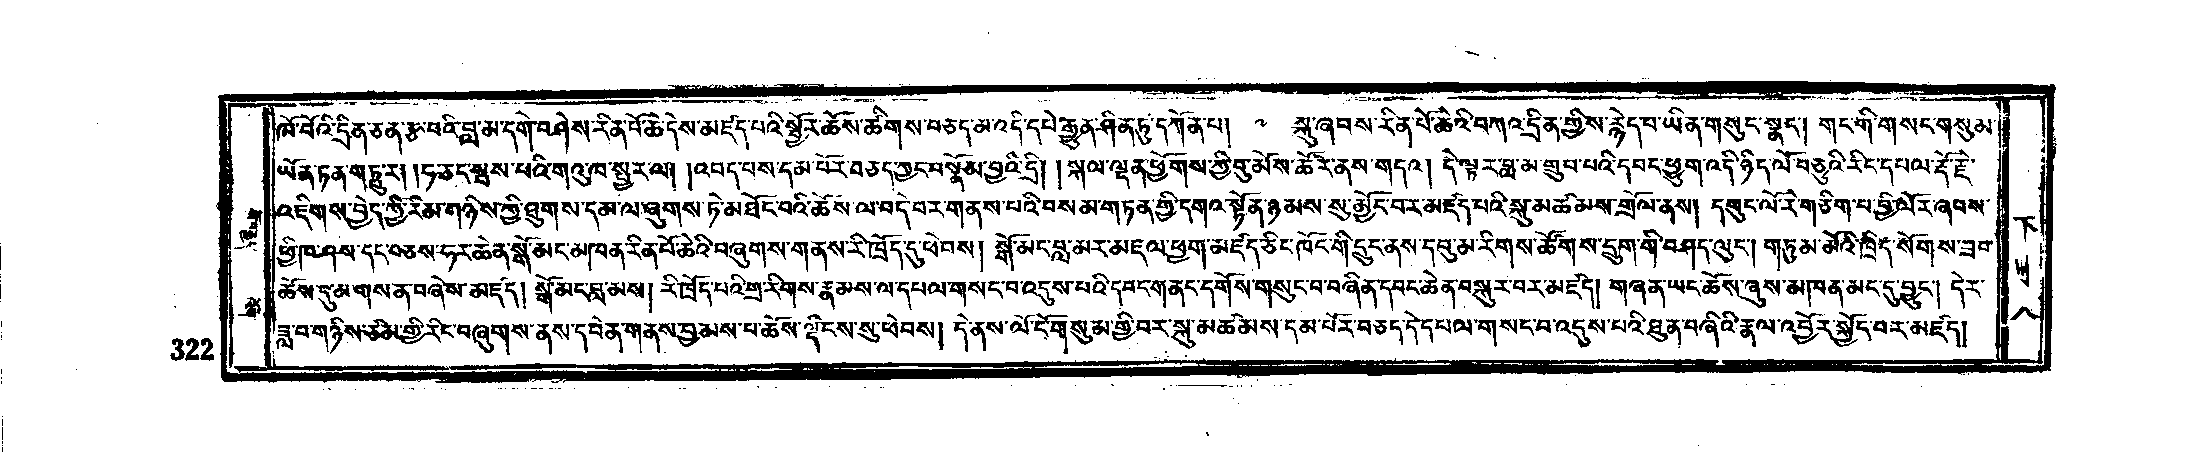ཁོ་བོའི་དྲིན་ཅན་རྩ་བའི་བླ་མ་དགེ་བཤེས་རིན་པོ་ཆེ་དེས་མཛད་པའི་སྦྱོར་ཆོས་ཚིགས་བཅད་མ་འདི་དཔེ་རྒྱུན་ཤིན་ཏུ་དཀོན་པ། ༧་སྐུ་ཞབས་རིན་པོ་ཆེའི་བཀའ་དྲིན་གྱིས་རྙེད་པ་ཡིན་གསུང་སྣང་། གང་གི་གསང་གསུམ་
ཡོན་ཏན་གཏྤུ་ར། །ཧ་ཅང་སྦས་པའི་གའུ་ཁ་སྦྱར་ལ། །འབད་པས་དམ་པོར་བཅད་ཀྱང་བསྣོམ་བྱའི་དྲི། །སྐལ་ལྡན་ཕྱོགས་ཀྱི་བུ་མོས་ཚོར་ནས་གདའ། དེ་ལྟར་བླ་མ་གྲུབ་པའི་དབང་ཕྱུག་འདི་ཉིད་ལོ་བཅུའི་རིང་དཔལ་རྡོ་རྗེ་
འཇིགས་བྱེད་ཀྱི་རིམ་གཉིས་ཀྱི་ཐུགས་དམ་ལ་ཞུགས་ཏེ་མཐོང་བའི་ཆོས་ལ་བདེ་བར་གནས་པའི་བསམ་གཏན་གྱི་དགའ་སྟོན་ཉམས་སུ་མྱོང་བར་མཛད་པའི་སྐུ་མཚམས་གྲོལ་ནས། དགུང་ལོ་རེ་གཅིག་པ་བྱི་ལོར་ཞབས་
ཕྱི་ཁ་ཤས་དང་བཅས་ཧར་ཆེན་སྒོ་མང་མཁན་རིན་པོ་ཆེའི་བཞུགས་གནས་རི་ཁྲོད་དུ་ཕེབས། སྒོ་མང་བླ་མར་མཇལ་ཕྱག་མཛད་ཅིང་ཁོང་གི་དྲུང་ནས་དབུ་མ་རིགས་ཚོགས་དྲུག་གི་བཤད་ལུང་། གཏུམ་མོའི་ཁྲིད་སོགས་ཟབ་
ཆོས་དུ་མ་གསན་བཞེས་མཛད། སྒོ་མང་བླ་མས། རི་ཁྲོད་པའི་གྲ་རིགས་རྣམས་ལ་དཔལ་གསང་བ་འདུས་པའི་དབང་གནང་དགོས་གསུང་བ་བཞིན་དབང་ཆེན་བསྐུར་བར་མཛད། གཞན་ཡང་ཆོས་ཞུས་མཁན་མང་དུ་བྱུང་། དེར་
ཟླ་བ་གཉིས་ཙམ་གྱི་རིང་བཞུགས་ནས་དབེན་གནས་བྱམས་པ་ཆོས་ལྡིངས་སུ་ཕེབས། དེ་ནས་ལོ་ངོ་གསུམ་གྱི་བར་སྐུ་མཚམས་དམ་པོར་བཅད་དེ་དཔལ་གསང་བ་འདུས་པའི་ཐུན་བཞིའི་རྣལ་འབྱོར་སྐྱོང་བར་མཛད།